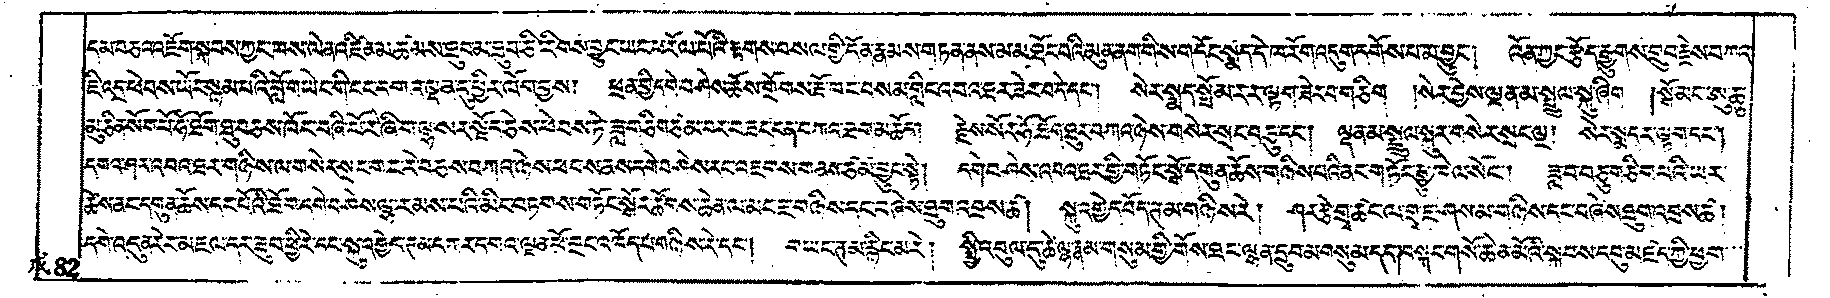དམ་བཅའ་འཇོག་སྐབས་ཀྱང་ཁས་ལེན་འཛིན་མཚམས་ཐུབ་མ་ཐུབ་ཅི་རིགས་བྱུང་ཡང་ཕ་རོལ་པོའི་རྟགས་བསལ་གྱི་དོན་རྣམས་གཏན་ནས་མ་མཐོང་བའི་མུན་ནག་གིས་གདོང་སྨད་དེ་ཁ་རོག་འདུག་དགོས་པ་མ་བྱུང་། འོན་ཀྱང་རྩོད་རྒྱུགས་གྲུབ་རྗེས་བཀའ་
ཇི་འདྲ་ཕེབས་ཡོང་སྙམ་པའི་བློ་གཡེང་གི་ངང་དགའ་ལྡན་དུ་ཕྱིར་ལོག་བྱས། ཕྲན་གྱི་དགེ་བཤེས་ཆོས་གྲོགས་རྡོ་ཁང་བསམ་གླིང་འབའ་ཐར་ཟེར་བ་དེ་དང་། སེར་སྨད་སྤོམ་ར་ར་ལྟག་ཟེར་བ་གཅིག །སེར་བྱེས་ལྡན་མ་སྤྲུལ་སྐུ་ཞིག །སྒོ་མང་ཨུ་ཆུ་
མུ་ཅིན་སོག་པོ་ཧོ་ཐོག་ཐུ་བཅས་ཁོང་བཞི་པོ་རེ་ཞིག་ལྷ་སར་སྡོད་ཅེས་ཕེབས་ཏེ་ཟླ་གཅིག་ཙམ་བར་བཟང་ངན་བཀའ་ཐག་མ་ཆོད། རྗེས་སོར་ཧོ་ཐོག་ཐུར་བཀའ་ཉེས་གསེར་སྲང་བཅུ་དང་། ལྡན་མ་སྤྲུལ་སྐུར་གསེར་སྲང་ལྔ། སེར་སྨད་ར་ལྟག་དང་།
དགའ་ཤར་འབའ་ཐར་གཉིས་ལ་གསེར་སྲང་གང་རེ་བཅས་བཀའ་ཉེས་ཕབས་ནས་དགེ་བཤེས་རང་འཇགས་གནས་ཙམ་བྱུང་སྟེ། དགེ་བཤེས་འབའ་ཐར་གྱི་གཏོང་སྒོ་དགུན་ཆོས་གཉིས་པའི་ནང་གཏོང་རྒྱུ་ཁེལ་སོང་། ཟླ་བ་བཅུ་གཅིག་པའི་ཡར་
ཚེས་ནང་དགུན་ཆོས་དང་པོའི་ཐོག་དགེ་བཤེས་ལྷ་རམས་པའི་མིང་བཏགས་གཏོང་སྒོར་ཚོགས་ཆེན་ལ་མང་ཇ་གཉིས་དང་བཞེས་ཐུག་འབྲས་ཚ། སྐུ་འགྱེད་བོད་ཊམ་གཉིས་རེ། ཤར་རྩེ་གྲྭ་ཚང་ལ་གྲྭ་ཇ་ཤས་མ་གཉིས་དང་བཞེས་ཐུག་འབྲས་ཚ།
དགེ་འདུན་རེར་མཇལ་དར་ཟུབ་ཕྱི་རེ་དང་སྐུ་འགྱེད་ཊམ་དཀར་དགའ་ལྡན་ཕོ་བྲང་འཁོད་པ་གཉིས་རེ་དང་། གཡང་ཊམ་རྙིང་མ་རེ། སྤྱི་འབུལ་དུ་ཚེ་ལྷ་རྣམ་གསུམ་གྱི་གོས་ཐང་ལྷན་དྲུབ་མ་གསུམ་དང་། བསྐང་གསོ་ཆེན་མོའི་སྐབས་དབུ་མཛད་ཀྱི་ཕྱག་